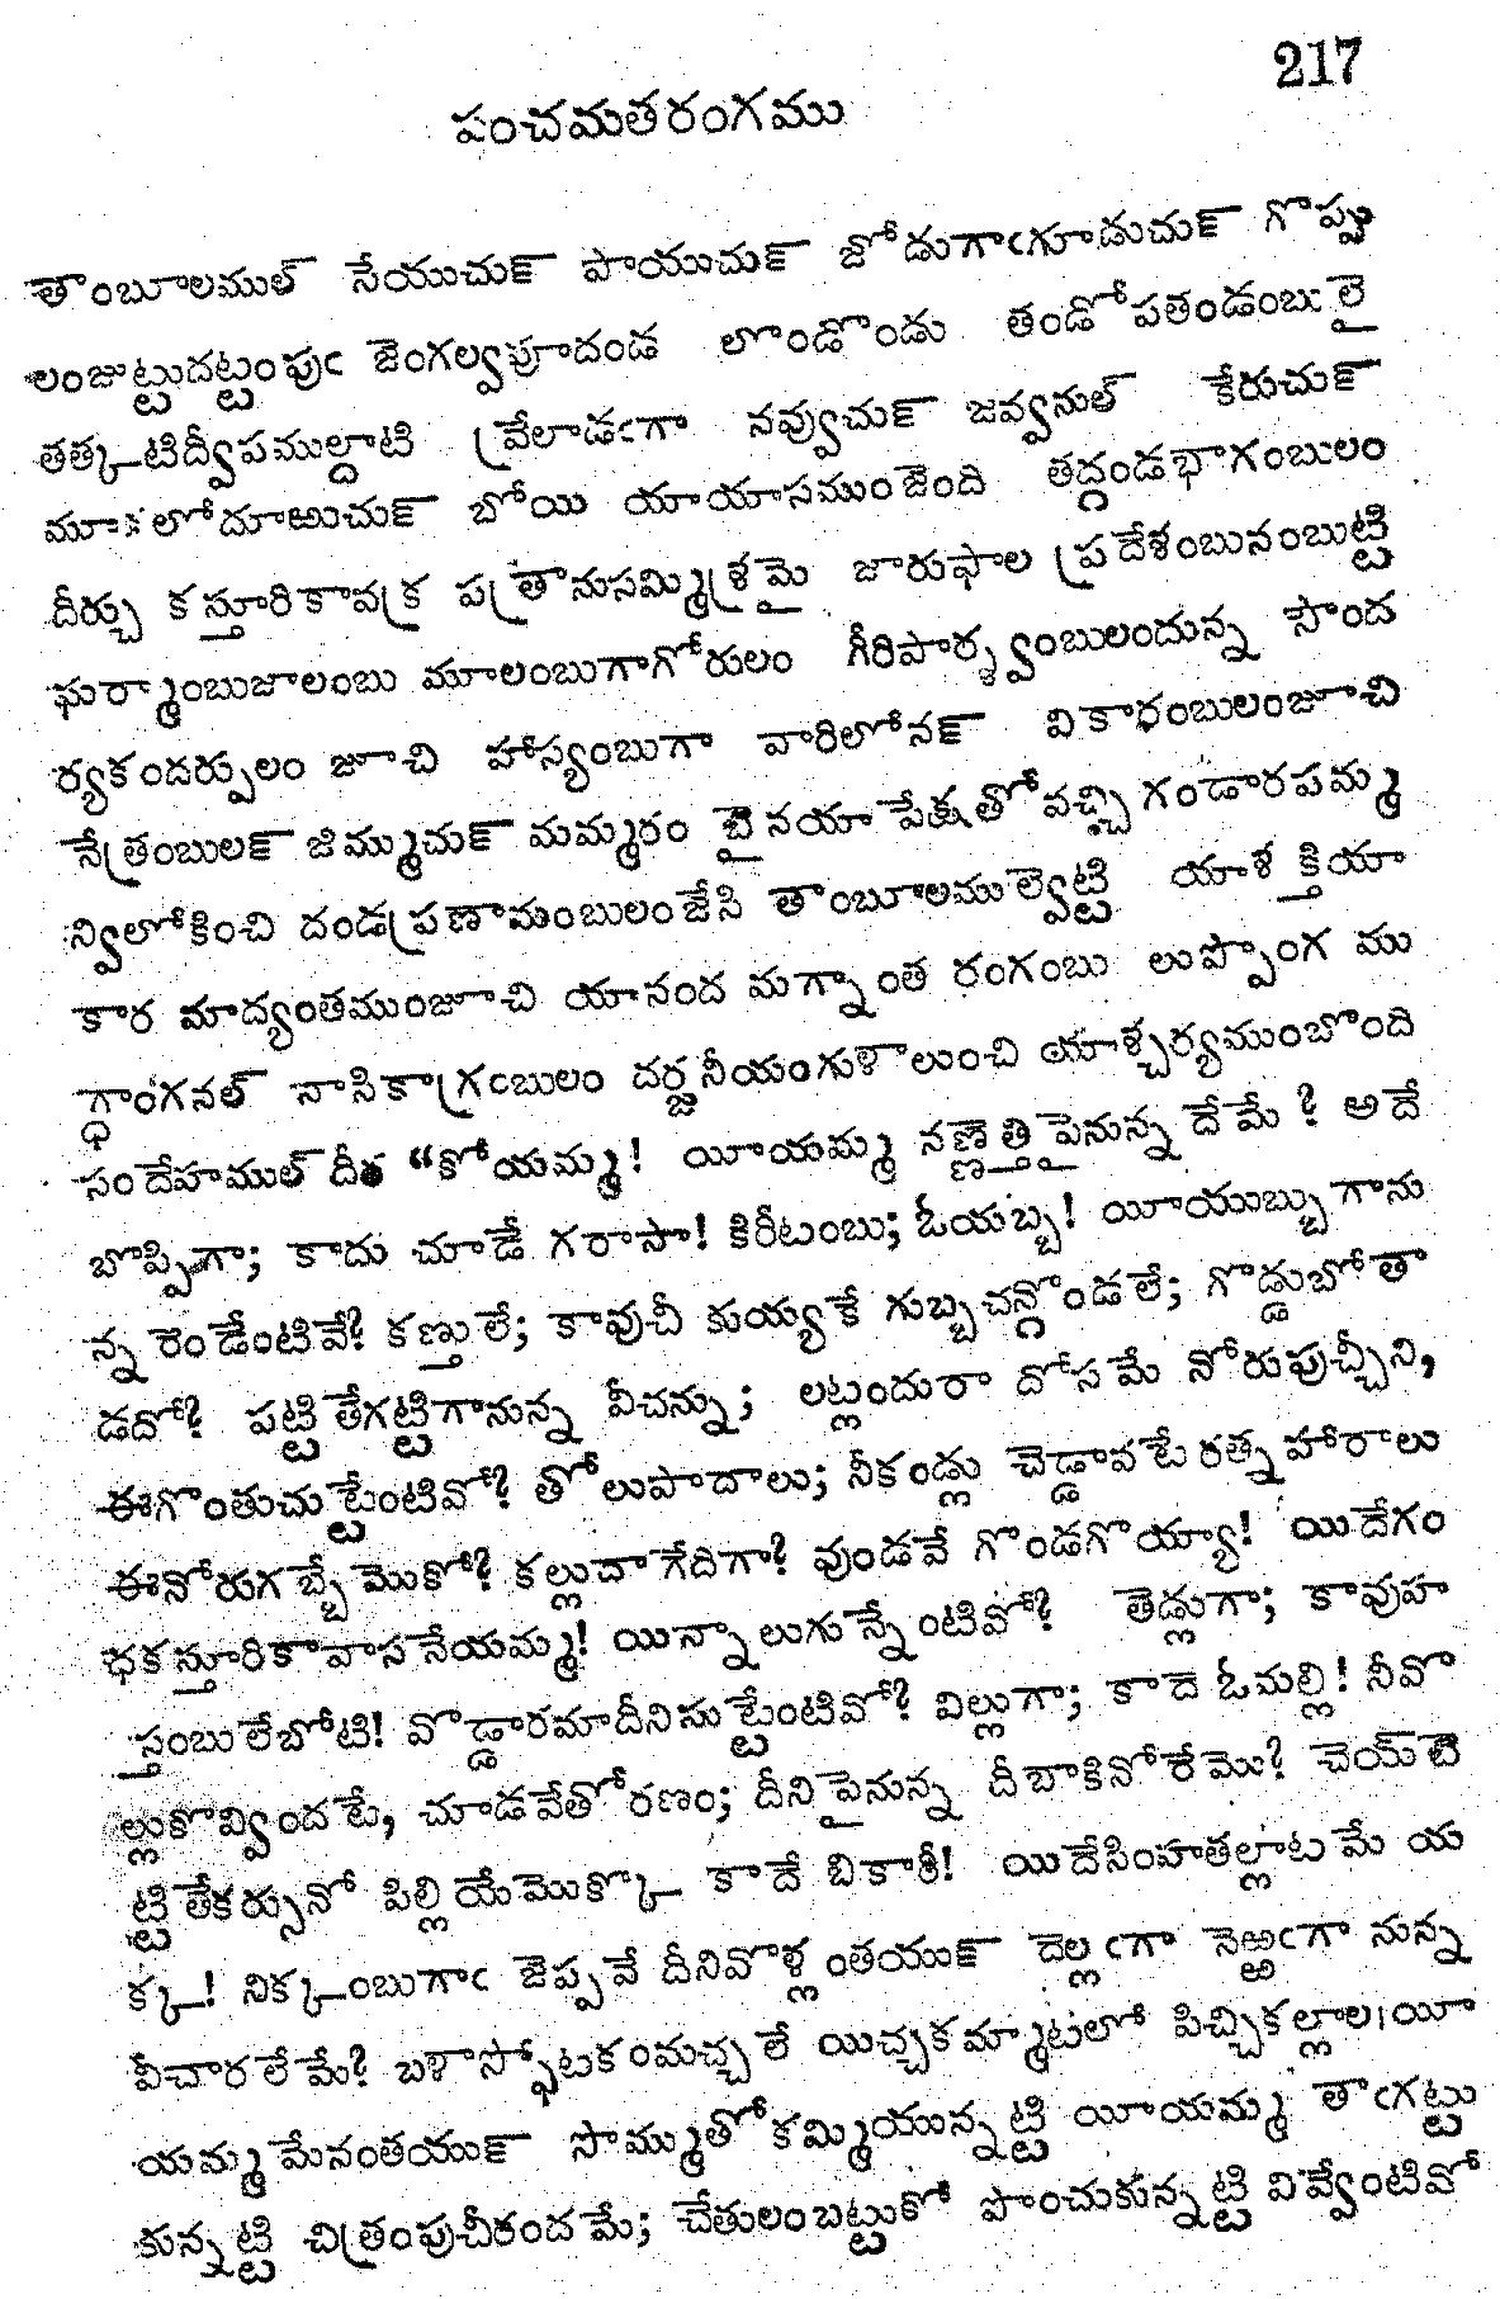తాంబూలముల్ సేయుచున్ పాయుచున్ జోడుఁగాఁ గూడుచున్ గొప్పు
లం జుట్టుదట్టంపుఁ జెంగల్వపూదండ లొండొండు తండోపతండంబులై
తత్కటిద్వీపము ల్దాటి వ్రేలాడఁగా నవ్వుచున్ జవ్వనుల్ కేరుచున్
మూకలో దూఱుచున్ బోయి యాయాసముం జెంది తద్గండభాగంబులం
దీర్చు కస్తూరికావక్రపత్రానుసమ్మిశ్రమై జారుఫాలప్రదేశంబునం బుట్టి
ఘర్మాంబుజాలంబు మూలంబుగా గోరులం గీరి పార్శ్వంబులందున్న సౌంద
ర్యకందర్పులం జూచి హాస్యంబుగా వారిలోనన్ వికారంబులం జూచి
నేత్రంబులన్ జిమ్ముచున్ మమ్మరం బైనయాపేక్షతో వచ్చి గండారపమ్మ
న్విలోకించి దండప్రణామంబులం జేసి తాంబూలము ల్వెట్టి యాశక్తియా
కార మాద్యంతముం జూచి యానందమగ్నాంతరంబు లుప్పొంగ ము
గ్ధాంగనల్ నాసికాగ్రంబులం దర్జనీయంగుళా లుంచి యాశ్చర్యముం బొంది
సందేహముల్ దీర “కోయమ్మ! యీయమ్మ నణ్ణెత్తిపై నున్నదేమే? అదే
బొప్పిగా; కాదు చూడే గరాసా! కిరీటంబు; ఓయబ్బ! యీయుబ్బుగాను
న్న రెండేంటివే? కణ్తులే; కావుచీ కుయ్యకే గుబ్బచన్గొండలే; గొడ్డుబోతా
డదో? పట్టితే గట్టిగా నున్న వీచన్ను; లట్లందురా దోసమే నోరుపుచ్చీని,
ఈగొంతుచు ట్టేంటివో? తోలుపాదాలు; నీకండ్లు చెడ్డావటే రత్నహారాలు
ఈనోరుగబ్బేమొకో? కల్లు దాగేదిగా? వుండవే గొండగొయ్యా! యిదే గం
ధకస్తూరికావాసనే యమ్మ! యిన్నాలుగు న్నేంటివో? తెడ్లుగా; కావు హ
స్తంబులే బోటి! వొడ్డారమా దీని సుట్టేంటివో? విల్లుగా; కాదె ఓమల్లి! నీవొ
ల్లు కొవ్విందటే, చూడవే తోరణం; దీనిపైనున్న దీబాకినోరేమొ? చెయ్ బె
ట్టితే కర్సునో పిల్లియేమొక్కొ కాదే బికారీ! యిదే సింహతల్లాటమే య
క్క! నిక్కంబుగాఁ జెప్పవే దీనివొళ్ళంతయున్ దెల్లఁగా నెఱ్ఱఁగా నున్న
వీచారలేమే? బళా స్ఫోటకంమచ్చలే యిచ్చకమ్మాటలో పిచ్చికల్లాల యీ
యమ్మ మేనంతయున్ సొమ్ముతో కమ్మియున్నట్టి యీయమ్మ తాఁగట్టు
కున్నట్టి చిత్రంపుచీరందమే; చేతులం బట్టుకో పొంచుకున్నట్టి వివ్వేంటివో